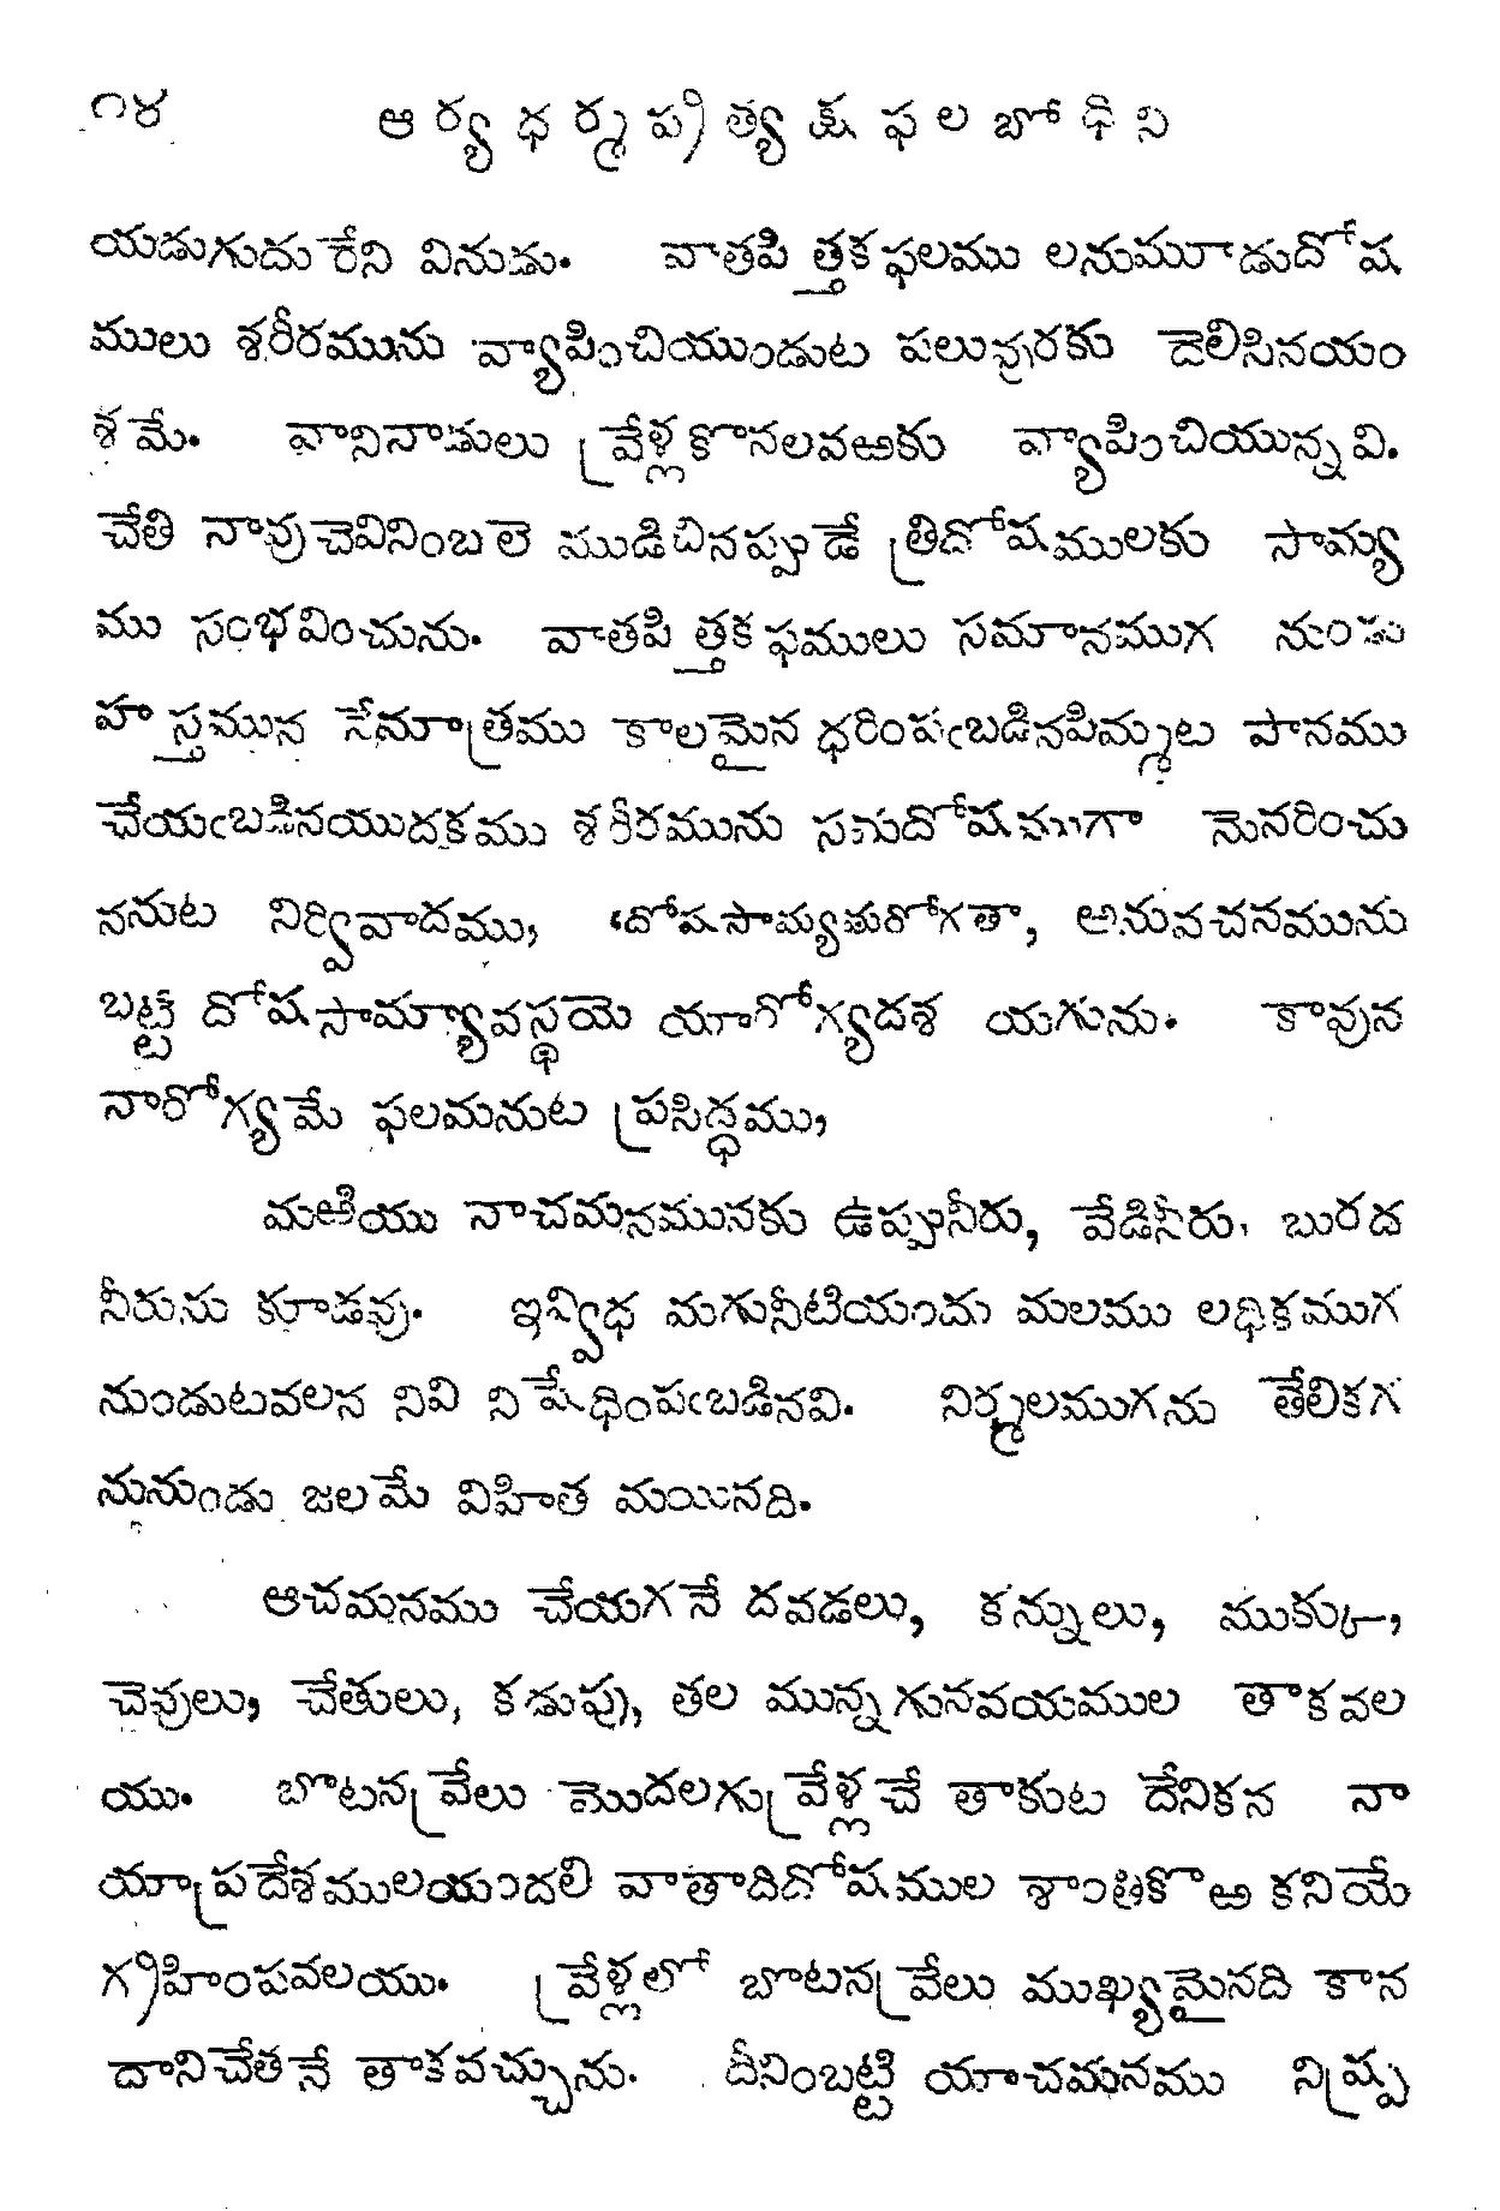యడుగుదురేని వినుడు. వాతపిత్తకఫలము లనుమూడుదోషములు శరీరమును వ్యాపించియుండుట పలువురకు దెలిసినయంశమే. వానినాడులు వ్రేళ్లకొనలవఱకు వ్యాపించియున్నవి. చేతి నావుచెవినింబలె ముడిచినప్పుడే త్రిదోషములకు సామ్యము సంభవించును. వాతాపిత్తకఫములు సమానముగ నుండు
హస్తమున నేమాత్రము కాలమైన ధరింపఁబడినపిమ్మట పానము చేయఁబడినయుదకము శరీరమును సమదోషముగా నొనరించు ననుట నిర్వివాదము, 'దోషసామ్యమరోగతా, అనువచనమునుబట్టి దోషసామ్యావస్థయె యారోగ్యదశ యగును. కావున నారోగ్యమే ఫలమనుట ప్రసిద్ధము.

మఱియు నాచమనమునకు ఉప్పునీరు, వేడినీరు, బురదనీరును కూడవు. ఇవ్విధ మగునీటియందు మలము లధికముగ నుండుటవలన నివి నిషేధింపఁబడినవి. నిర్మలముగను తేలికగనునుండు జలమే విహిత మయినది.

ఆచమనము చేయగనే దవడలు, కన్నులు, ముక్కు, చెవులు, చేతులు, కడుపు, తల మున్నగునవయములు తాకవలయు. బొటనవ్రేలు మొదలగువ్రేళ్లచే తాకుట దేనికన నాయాప్రదేశములయందలి వాతాదిదోషముల శాంతికొఱకనియే గ్రహింపవలయు. వ్రేళ్లలో బొటనవ్రేలు ముఖ్యమైనది కాన దానిచేతనే తాకవచ్చును. దీనింబట్టి యాచమనము నిష్ప్ర